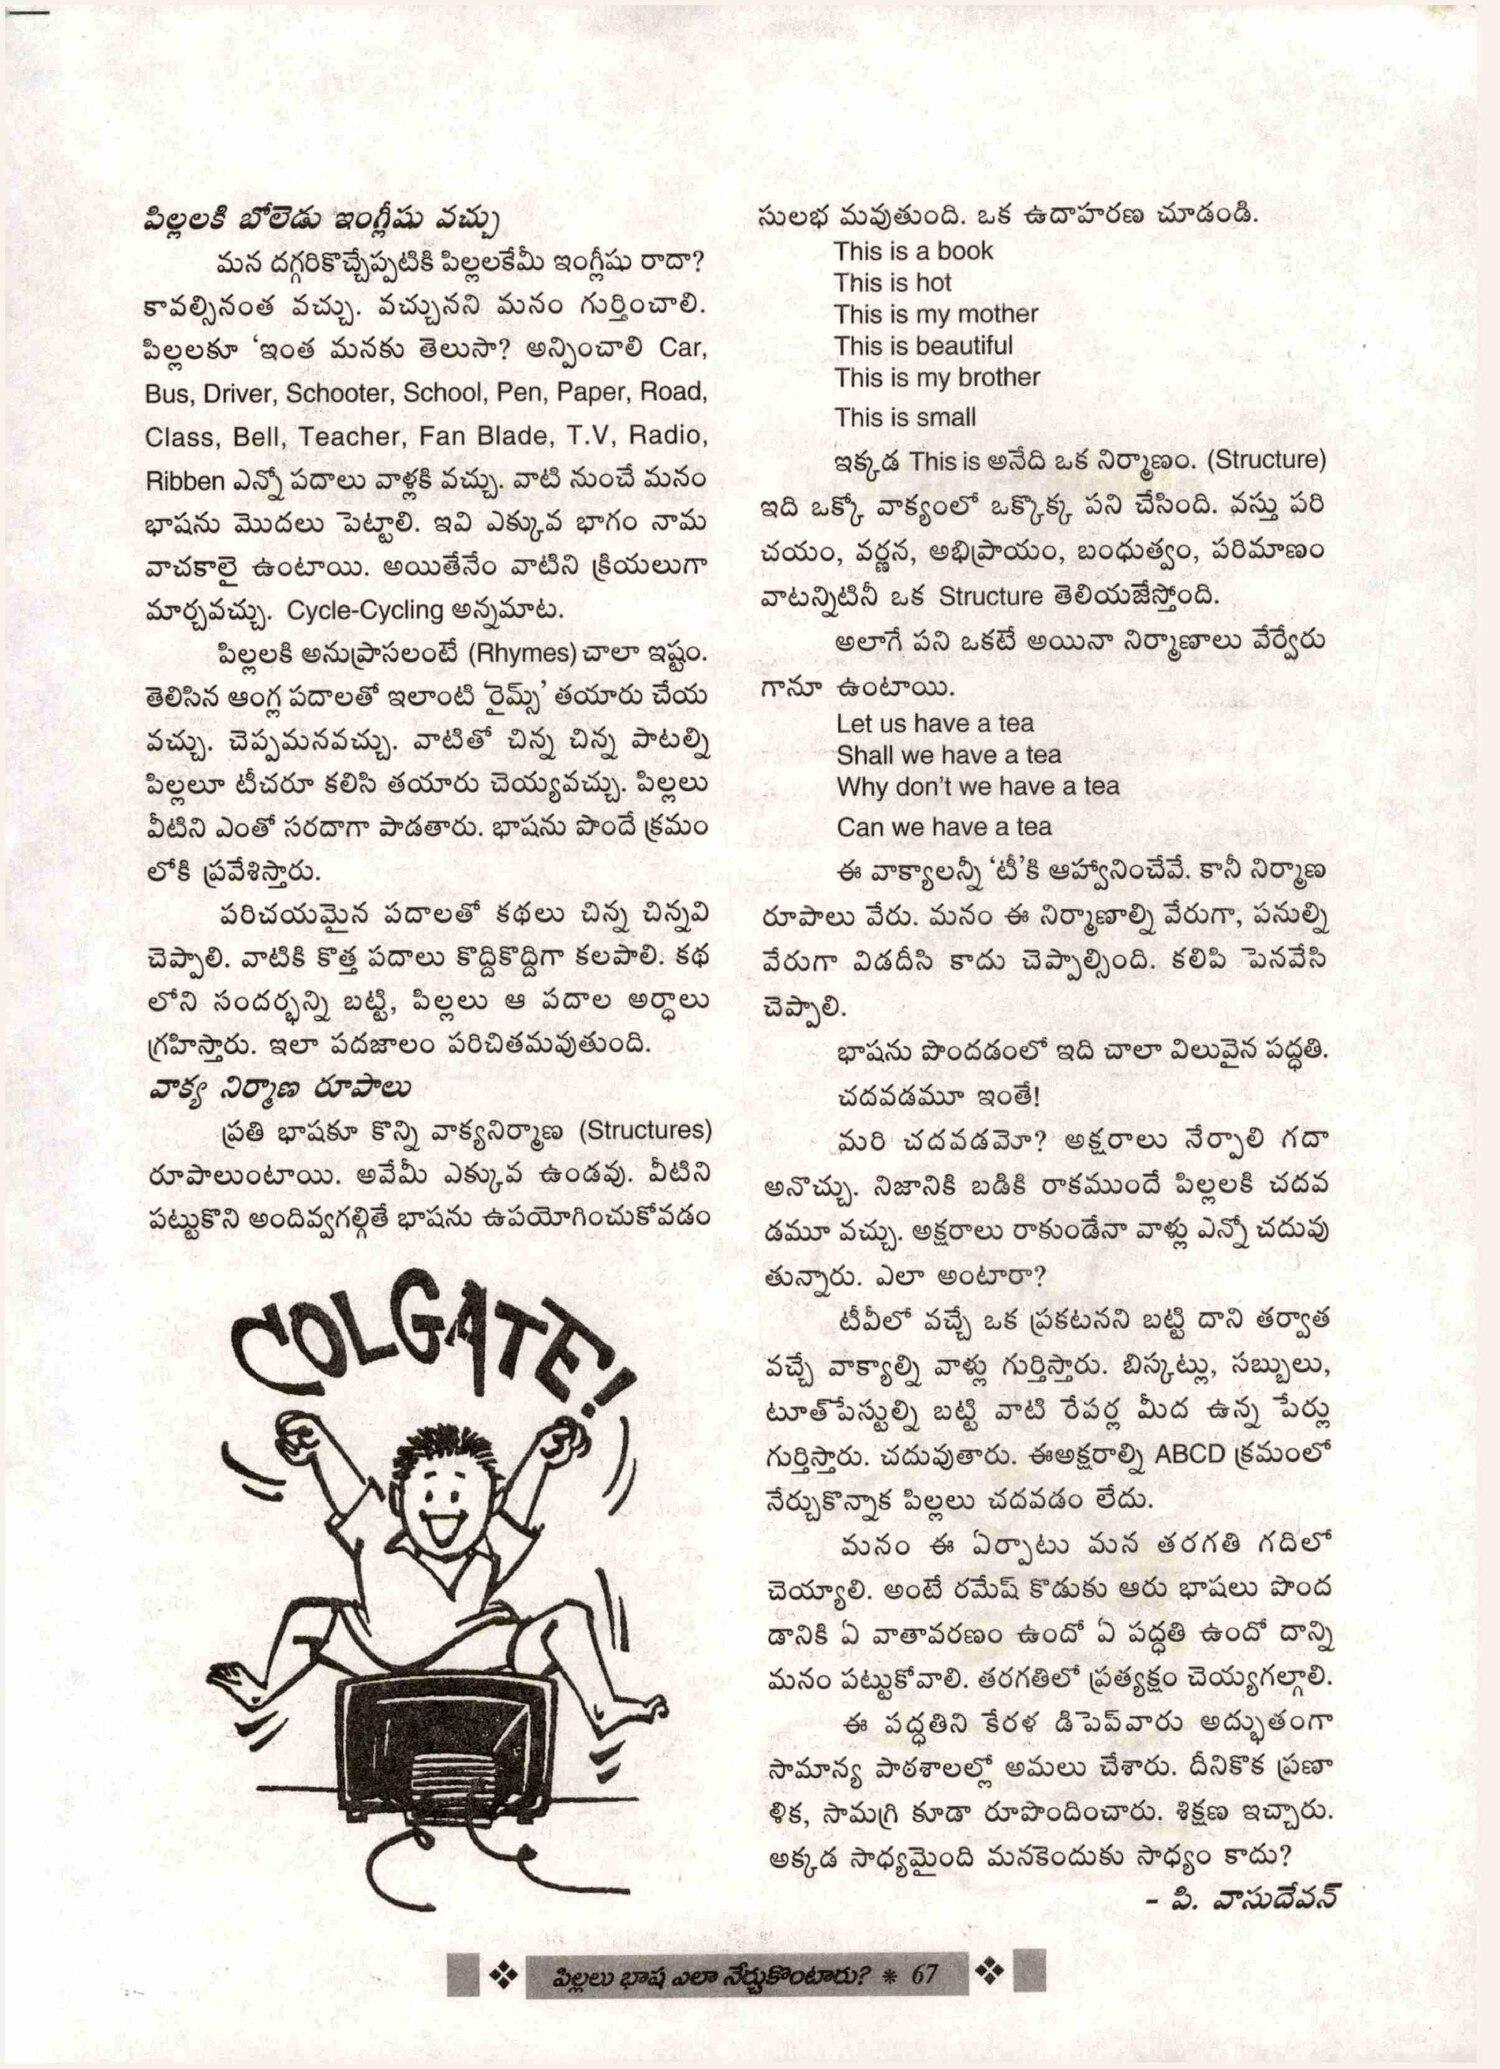పిల్లలకి బోలెడు ఇంగ్లీషు వచ్చు

మన దగ్గరికొచ్చేప్పటికి పిల్లలకేమీ ఇంగ్లీషు రాదా? కావల్సినంత వచ్చు. వచ్చునని మనం గుర్తించాలి. పిల్లలకూ 'ఇంత మనకు తెలుసా? అన్పించాలి Car, Bus, Driver, Schooter, School, Pen, Paper, Road, Class, Bell, Teacher, Fan Blade, T.V, Radio, Ribben ఎన్నో పదాలు వాళ్లకి వచ్చు. వాటి నుంచే మనం భాషను మొదలు పెట్టాలి. ఇవి ఎక్కువ భాగం నామవాచకాలై ఉంటాయి. అయితేనేం వాటిని క్రియలుగా మార్చవచ్చు. Cycle-Cycling అన్నమాట.

పిల్లలకి అనుప్రాసలంటే (Rhymes) చాలా ఇష్టం. తెలిసిన ఆంగ్ల పదాలతో ఇలాంటి 'రైమ్స్' తయారు చేయవచ్చు. చెప్పమనవచ్చు. వాటితో చిన్న చిన్న పాటల్ని పిల్లలూ టీచరూ కలిసి తయారు చెయ్యవచ్చు. పిల్లలు వీటిని ఎంతో సరదాగా పాడతారు. భాషను పొందే క్రమంలోకి ప్రవేశిస్తారు.

పరిచయమైన పదాలతో కథలు చిన్న చిన్నవి చెప్పాలి. వాటికి కొత్త పదాలు కొద్దికొద్దిగా కలపాలి. కథలోని సందర్భాన్ని బట్టి, పిల్లలు ఆ పదాల అర్థాలు గ్రహిస్తారు. ఇలా పదజాలం పరిచితమవుతుంది.

వాక్య నిర్మాణ రూపాలు

ప్రతి భాషకూ కొన్ని వాక్యనిర్మాణ (Structures) రూపాలుంటాయి. అవేమీ ఎక్కువ ఉండవు. వీటిని పట్టుకొని అందివ్వగల్గితే భాషను ఉపయోగించుకోవడం 

సులభ మవుతుంది. ఒక ఉదాహరణ చూడండి.

This is a book

This is hot

This is my mother

This is beautiful

This is my brother

This is small

ఇక్కడ This is అనేది ఒక నిర్మాణం. (Structure) ఇది ఒక్కో వాక్యంలో ఒక్కొక్క పని చేసింది. వస్తు పరిచయం, వర్ణన, అభిప్రాయం, బంధుత్వం, పరిమాణం వాటన్నిటినీ ఒక Structure తెలియజేస్తోంది.

అలాగే పని ఒకటే అయినా నిర్మాణాలు వేర్వేరు గానూ ఉంటాయి.

Let us have a tea

Shall we have a tea

Why don't we have a tea

Can we have a tea

ఈ వాక్యాలన్నీ ‘టీ'కి ఆహ్వానించేవే. కానీ నిర్మాణ రూపాలు వేరు. మనం ఈ నిర్మాణాల్ని వేరుగా, పనుల్ని వేరుగా విడదీసి కాదు చెప్పాల్సింది. కలిపి పెనవేసి చెప్పాలి.

భాషను పొందడంలో ఇది చాలా విలువైన పద్ధతి.

చదవడమూ ఇంతే!

మరి చదవడమో? అక్షరాలు నేర్పాలి గదా అనొచ్చు. నిజానికి బడికి రాకముందే పిల్లలకి చదవడమూ వచ్చు. అక్షరాలు రాకుండేనా వాళ్లు ఎన్నో చదువుతున్నారు. ఎలా అంటారా?

టీవీలో వచ్చే ఒక ప్రకటనని బట్టి దాని తర్వాత వచ్చే వాక్యాల్ని వాళ్లు గుర్తిస్తారు. బిస్కట్లు, సబ్బులు, టూత్‌పేస్టుల్ని బట్టి వాటి రేపర్ల మీద ఉన్న పేర్లు గుర్తిస్తారు. చదువుతారు. ఈ అక్షరాల్ని ABCD క్రమంలో నేర్చుకొన్నాక పిల్లలు చదవడం లేదు.

మనం ఈ ఏర్పాటు మన తరగతి గదిలో చెయ్యాలి. అంటే రమేష్ కొడుకు ఆరు భాషలు పొందడానికి ఏ వాతావరణం ఉందో ఏ పద్ధతి ఉందో దాన్ని మనం పట్టుకోవాలి. తరగతిలో ప్రత్యక్షం చెయ్యగల్గాలి.

ఈ పద్ధతిని కేరళ డిపెవ్‌వారు అద్భుతంగా సామాన్య పాఠశాలల్లో అమలు చేశారు. దీనికొక ప్రణాళిక, సామగ్రి కూడా రూపొందించారు. శిక్షణ ఇచ్చారు. అక్కడ సాధ్యమైంది మనకెందుకు సాధ్యం కాదు?